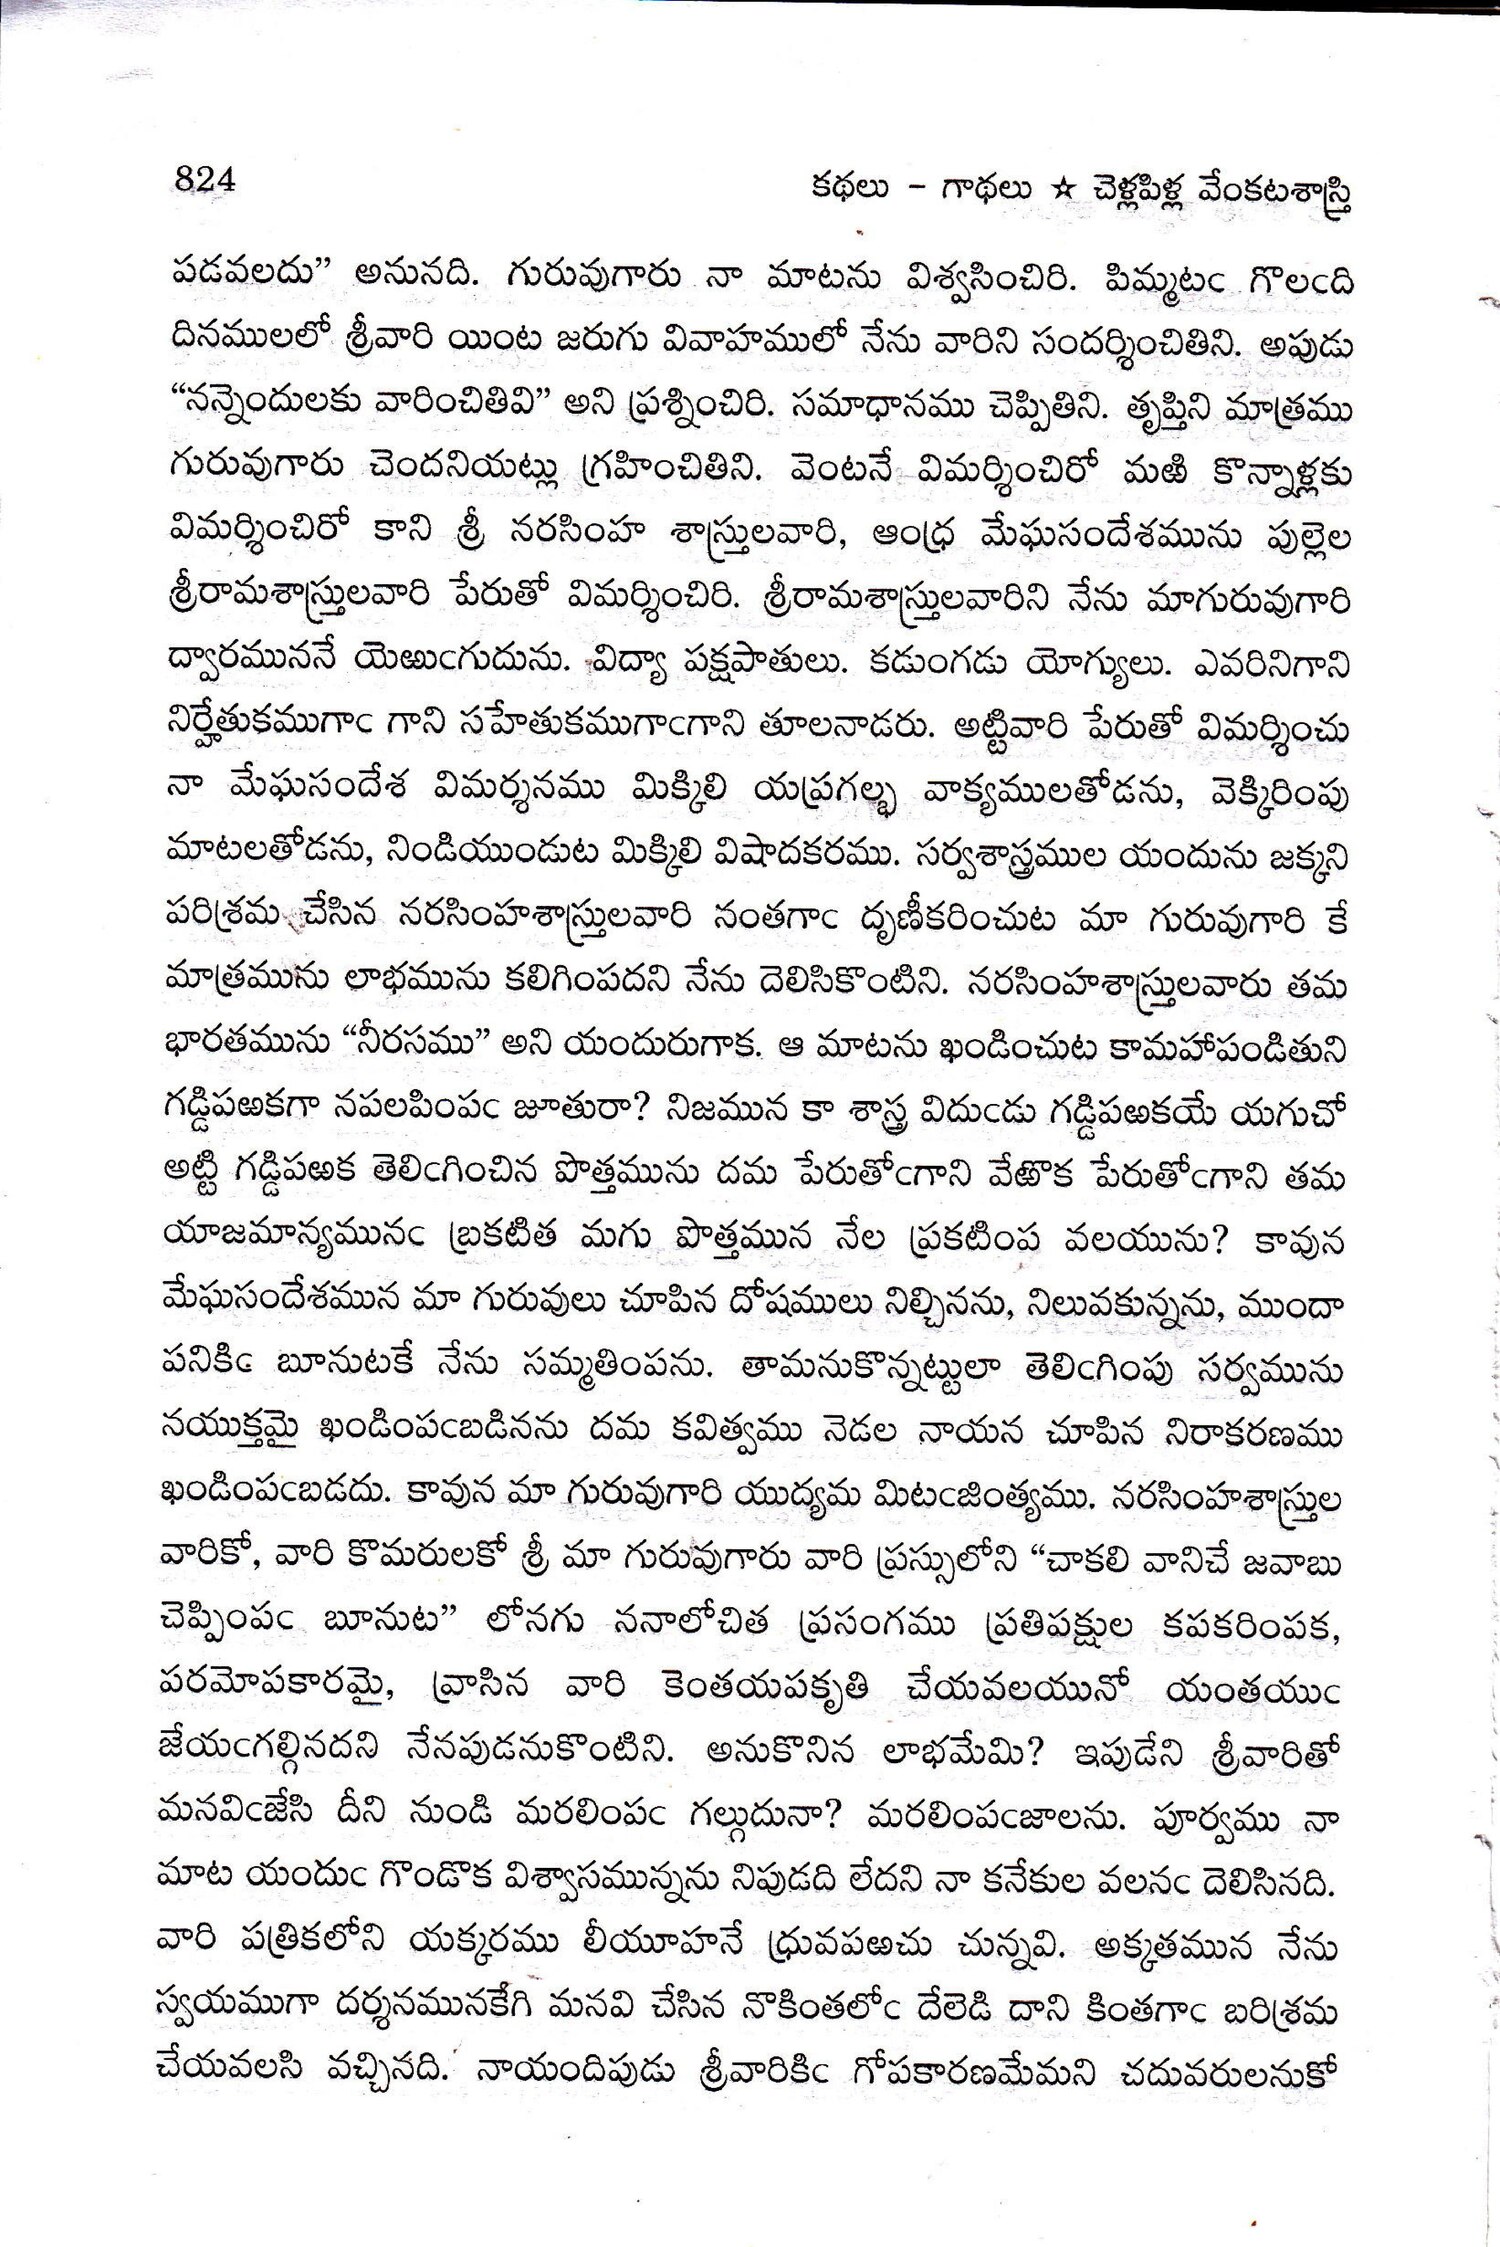పడవలదు” అనునది. గురువుగారు నా మాటను విశ్వసించిరి. పిమ్మటఁ గొలఁది దినములలో శ్రీవారి యింట జరుగు వివాహములో నేను వారిని సందర్శించితిని. అపుడు "నన్నెందులకు వారించితివి" అని ప్రశ్నించిరి. సమాధానము చెప్పితిని. తృప్తిని మాత్రము గురువుగారు చెందనియట్లు గ్రహించితిని. వెంటనే విమర్శించిరో మఱి కొన్నాళ్లకు విమర్శించిరో కాని శ్రీ నరసింహ శాస్త్రులవారి, ఆంధ్ర మేఘసందేశమును పుల్లెల శ్రీరామశాస్త్రులవారి పేరుతో విమర్శించిరి. శ్రీరామశాస్త్రులవారిని నేను మాగురువుగారి ద్వారముననే యెఱుఁగుదును. విద్యా పక్షపాతులు. కడుంగడు యోగ్యులు. ఎవరినిగాని నిర్హేతుకముగాఁ గాని సహేతుకముగాఁగాని తూలనాడరు. అట్టివారి పేరుతో విమర్శించు నా మేఘసందేశ విమర్శనము మిక్కిలి యప్రగల్భ వాక్యములతోడను, వెక్కిరింపు మాటలతోడను, నిండియుండుట మిక్కిలి విషాదకరము. సర్వశాస్త్రముల యందును జక్కని పరిశ్రమ చేసిన నరసింహశాస్త్రులవారి నంతగాఁ దృణీకరించుట మా గురువుగారి కే మాత్రమును లాభమును కలిగింపదని నేను దెలిసికొంటిని. నరసింహశాస్త్రులవారు తమ భారతమును “నీరసము” అని యందురుగాక. ఆ మాటను ఖండించుట కామహాపండితుని గడ్డిపఱకగా నపలపింపఁ జూతురా? నిజమున కా శాస్త్ర విదుఁడు గడ్డిపఱకయే యగుచో అట్టి గడ్డిపఱక తెలిఁగించిన పొత్తమును దమ పేరుతోఁగాని వేఱొక పేరుతోఁగాని తమ యాజమాన్యమునఁ బ్రకటిత మగు పొత్తమున నేల ప్రకటింప వలయును? కావున మేఘసందేశమున మా గురువులు చూపిన దోషములు నిల్చినను, నిలువకున్నను, ముందాపనికిఁ బూనుటకే నేను సమ్మతింపను. తామనుకొన్నట్టులా తెలిఁగింపు సర్వమును నయుక్తమై ఖండింపఁబడినను దమ కవిత్వము నెడల నాయన చూపిన నిరాకరణము ఖండింపఁబడదు. కావున మా గురువుగారి యుద్యమ మిటఁజింత్యము. నరసింహశాస్త్రుల వారికో, వారి కొమరులకో శ్రీ మా గురువుగారు వారి ప్రస్సులోని "చాకలి వానిచే జవాబు చెప్పింపఁ బూనుట" లోనగు ననాలోచిత ప్రసంగము ప్రతిపక్షుల కపకరింపక, పరమోపకారమై, వ్రాసిన వారి కెంతయపకృతి చేయవలయునో యంతయుఁ జేయఁగల్గినదని నేనపుడనుకొంటిని. అనుకొనిన లాభమేమి? ఇపుడేని శ్రీవారితో మనవిఁజేసి దీని నుండి మరలింపఁ గల్లుదునా? మరలింపఁజాలను. పూర్వము నా మాట యందుఁ గొండొక విశ్వాసమున్నను నిపుడది లేదని నా కనేకుల వలనఁ దెలిసినది. వారి పత్రికలోని యక్కరము లీయూహనే ధ్రువపఱచు చున్నవి. అక్కతమున నేను స్వయముగా దర్శనమునకేగి మనవి చేసిన నొకింతలోఁ దేలెడి దాని కింతగాఁ బరిశ్రమ చేయవలసి వచ్చినది. నాయందిపుడు శ్రీవారికిఁ గోపకారణమేమని చదువరులనుకో